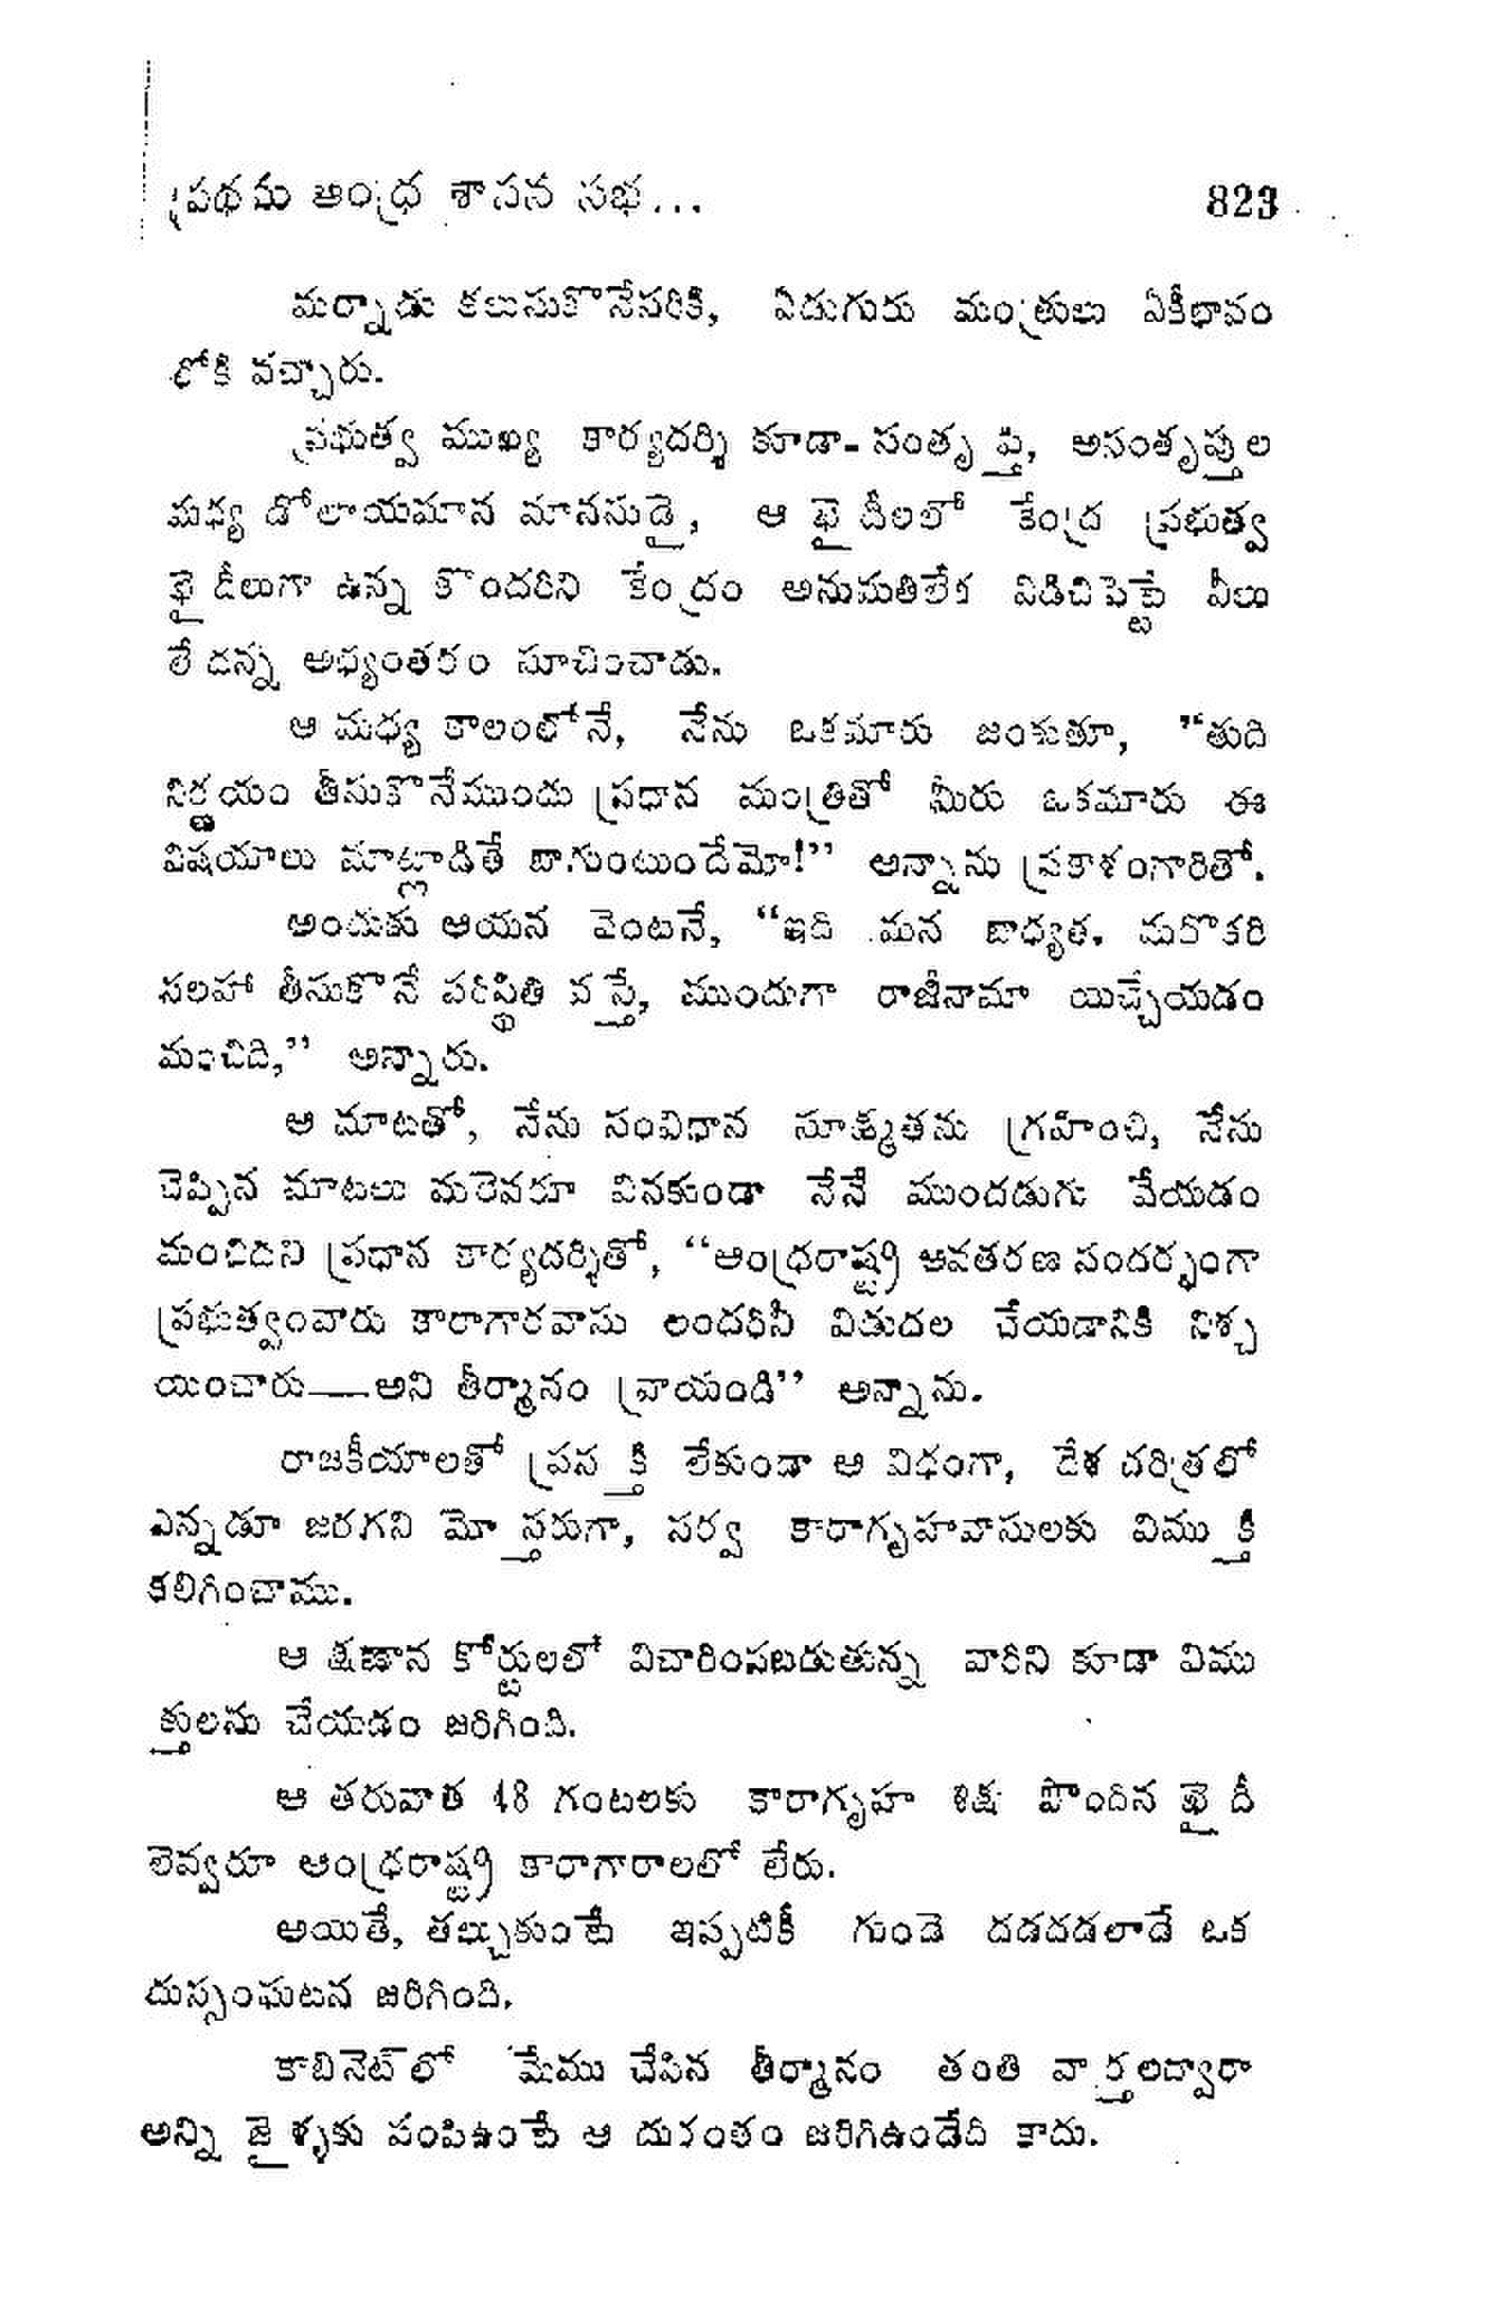మర్నాడు కలుసుకొనేసరికి, ఏడుగురు మంత్రులు ఏకీభావంలోకి వచ్చారు.

ప్రభుత్వ ముఖ్య కార్యదర్శి కూడా - సంతృప్తి, అసంతృప్తుల మద్య డోలాయమాన మానసుడై, ఆ ఖైదీలలో కేంద్ర ప్రభుత్వ ఖైదీలుగా ఉన్న కొందరిని కేంద్రం అనుమతిలేక విడిచిపెట్టే వీలులే దన్న అభ్యంతరం సూచించాడు.

ఆ మద్య కాలంలోనే, నేను ఒకమారు జంకుతూ, "తుదినిర్ణయం తీసుకొనేముందు ప్రధాన మంత్రితో మీరు ఒకమారు ఈ విషయాలు మాట్లాడితే బాగుంటుందేమో!" అన్నాను ప్రకాశంగారితో.

అందుకు ఆయన వెంటనే, "ఇది మన బాధ్యత. మరొకరి సలహా తీసుకొనే పరిస్థితి వస్తే, ముందుగా రాజీనామా యిచ్చేయడం మంచిది," అన్నారు.

ఆ మాటతో, నేను సంవిధాన సూక్ష్మతను గ్రహించి, నేను చెప్పిన మాటలు మరెవరూ వినకుండా నేనే ముందడుగు వేయడం మంచిదని ప్రధాన కార్యదర్శితో, "ఆంధ్రరాష్ట్ర అవతరణ సందర్భంగా ప్రభుత్వంవారు కారాగారావాసు లందరినీ విడుదల చేయడానికి నిశ్చయించారు - అని తీర్మానం వ్రాయండి" అన్నాను.

రాజకీయాలతో ప్రసక్తి లేకుండా అ విధంగా, దేశ చరిత్రలో ఎన్నడూ జరగని మోస్తరుగా, సర్వ కారాగృహవాసులకు విముక్తి కలిగించాము.

ఆ క్షణాన కోర్టులలో విచారింపబడుతున్న వారిని కూడా విముక్తులను చేయడం జరిగింది.

ఆ తరువాత 48 గంటలకు కారాగృహ శిక్ష పొందిన ఖైదీలెవ్వరూ ఆంధ్రరాష్ట్ర కారాగారాలలో లేరు.

అయితే, తల్చుకుంటే ఇప్పటికీ గుండె దడదడలాడే ఒక దుస్సంఘటన జరిగింది.

కాబినెట్‌లో మేము చేసిన తీర్మానం తంతి వార్తలద్వారా అన్ని జైళ్ళకు పంపిఉంటే ఆ దురంతం జరిగిఉండేది కాదు.